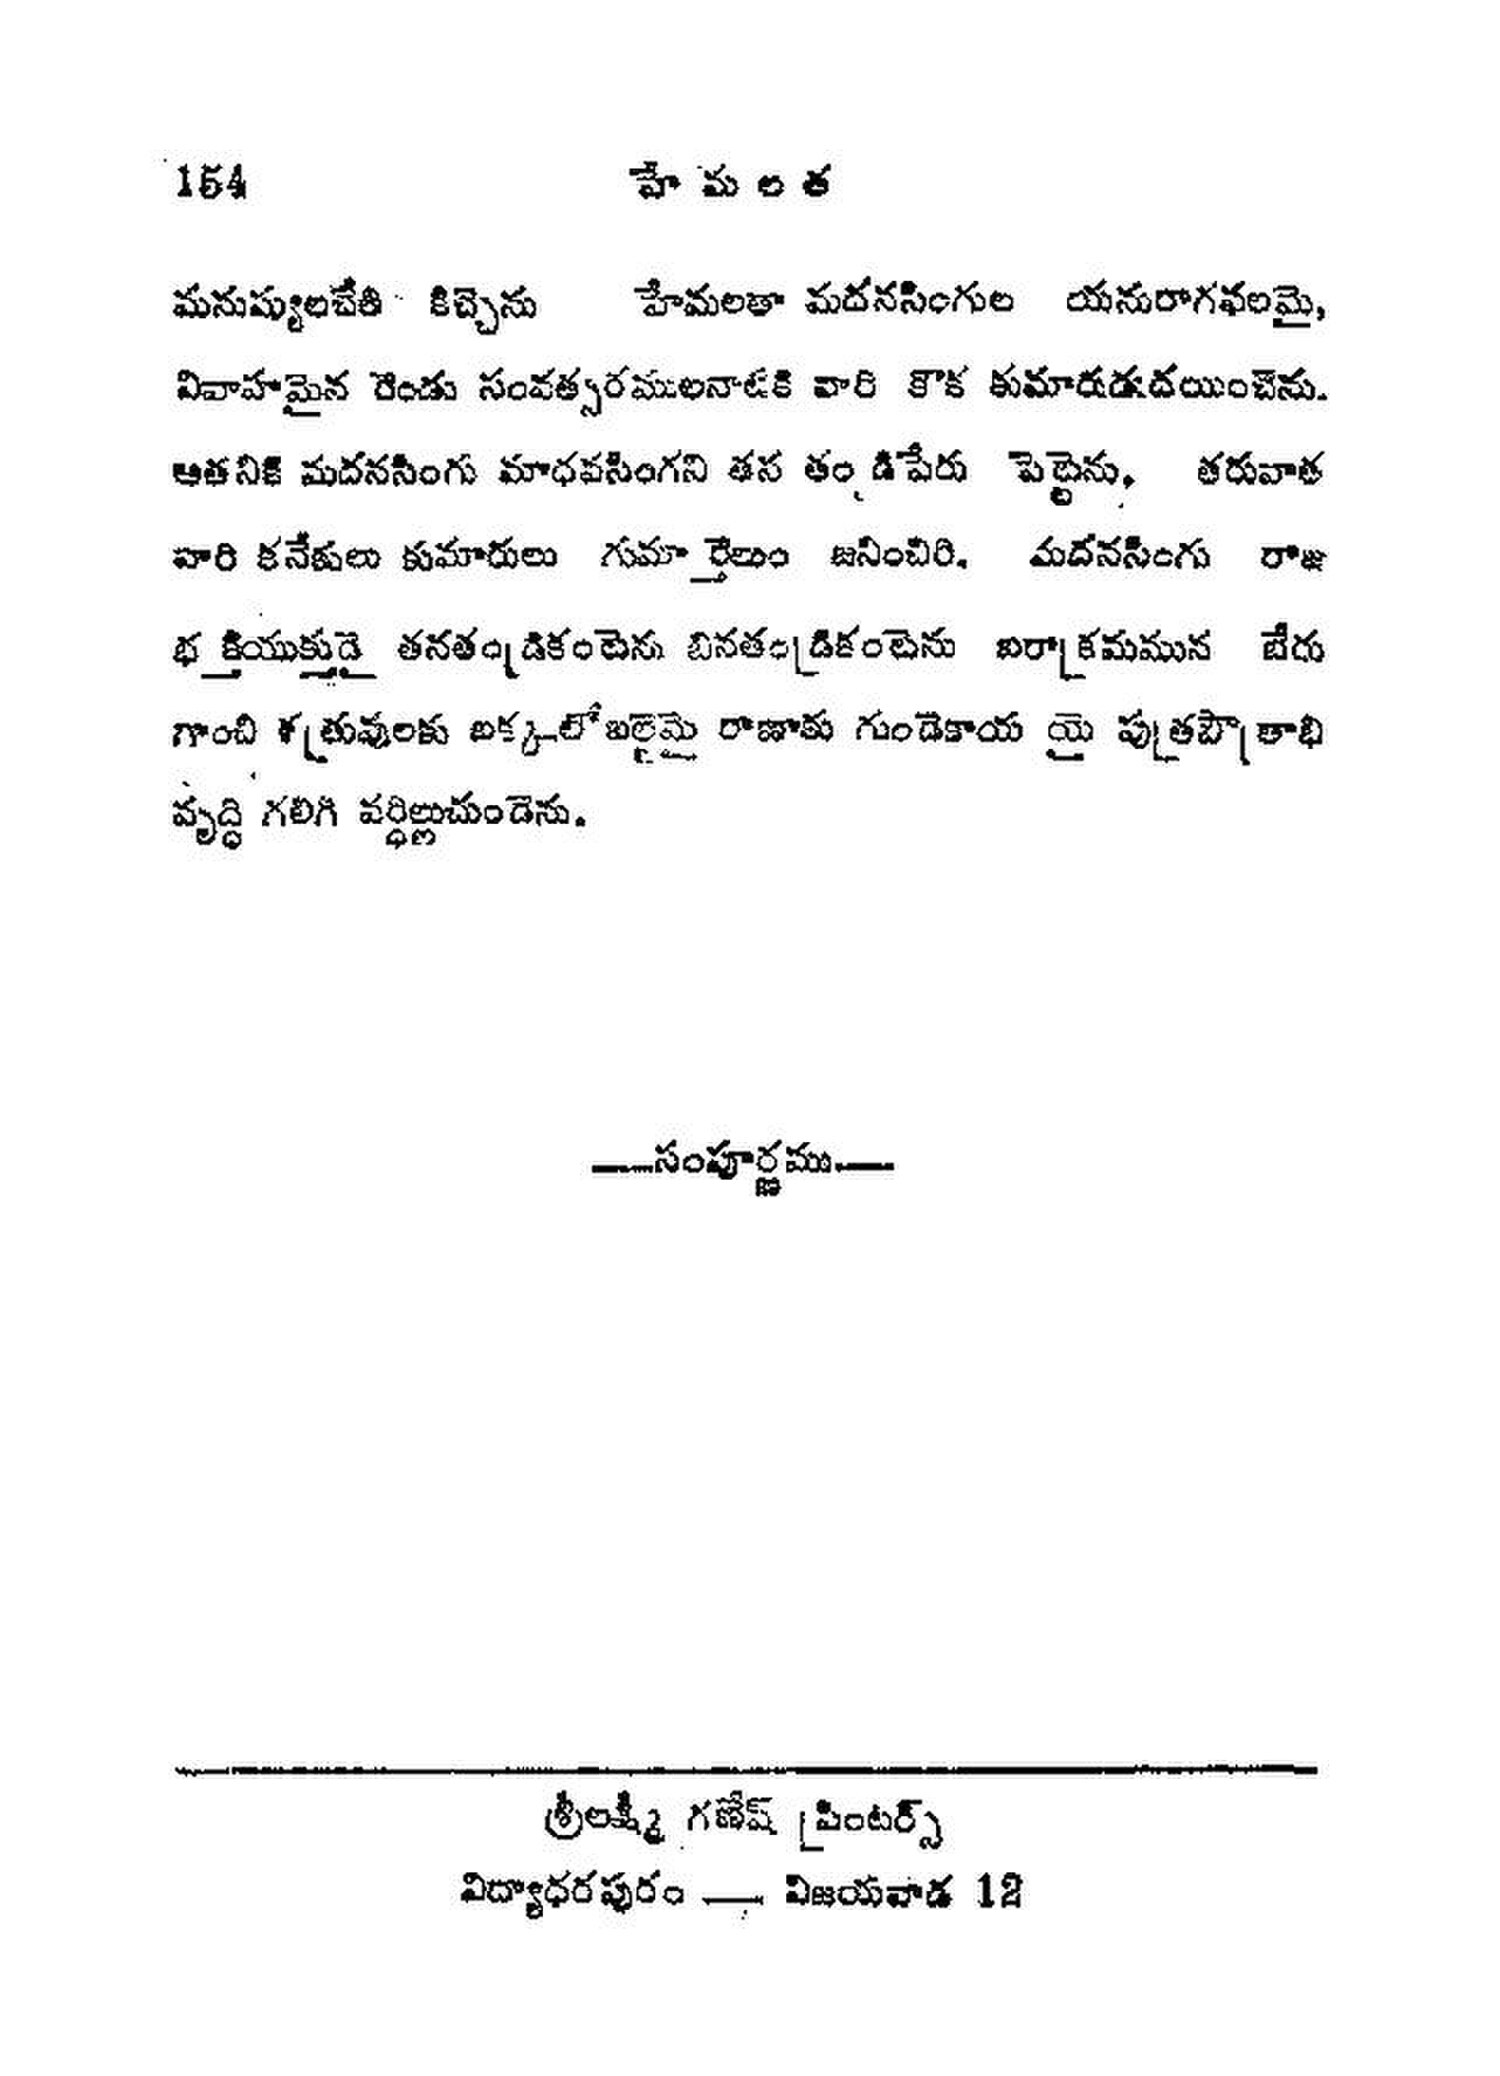మనుష్యులచేతి కిచ్చెను. హేమలతా మదనసింగుల యనురాగఫలమై, వివాహమైన రెండు సంవత్సరములనాటికి వారి కొక కుమారుడదయించెను. అతనికి మదనసింగు మాధవసింగని తన తండ్రి పేరు పెట్టెను. తరువాత వారి కనేకులు కుమారులు గుమార్తెలం జనించిరి. మదనసింగు రాజభక్తియుక్తుడై తనతండ్రికంటెను బినతండ్రికంటెను బరాక్రమమున బేరు గాంచి శత్రువులకు బక్కలో బల్లెమై రాణాకు గుండెకాయ యై పుత్రపౌత్రాభి వృద్ధి గలిగి వర్ధిల్లుచుండెను.